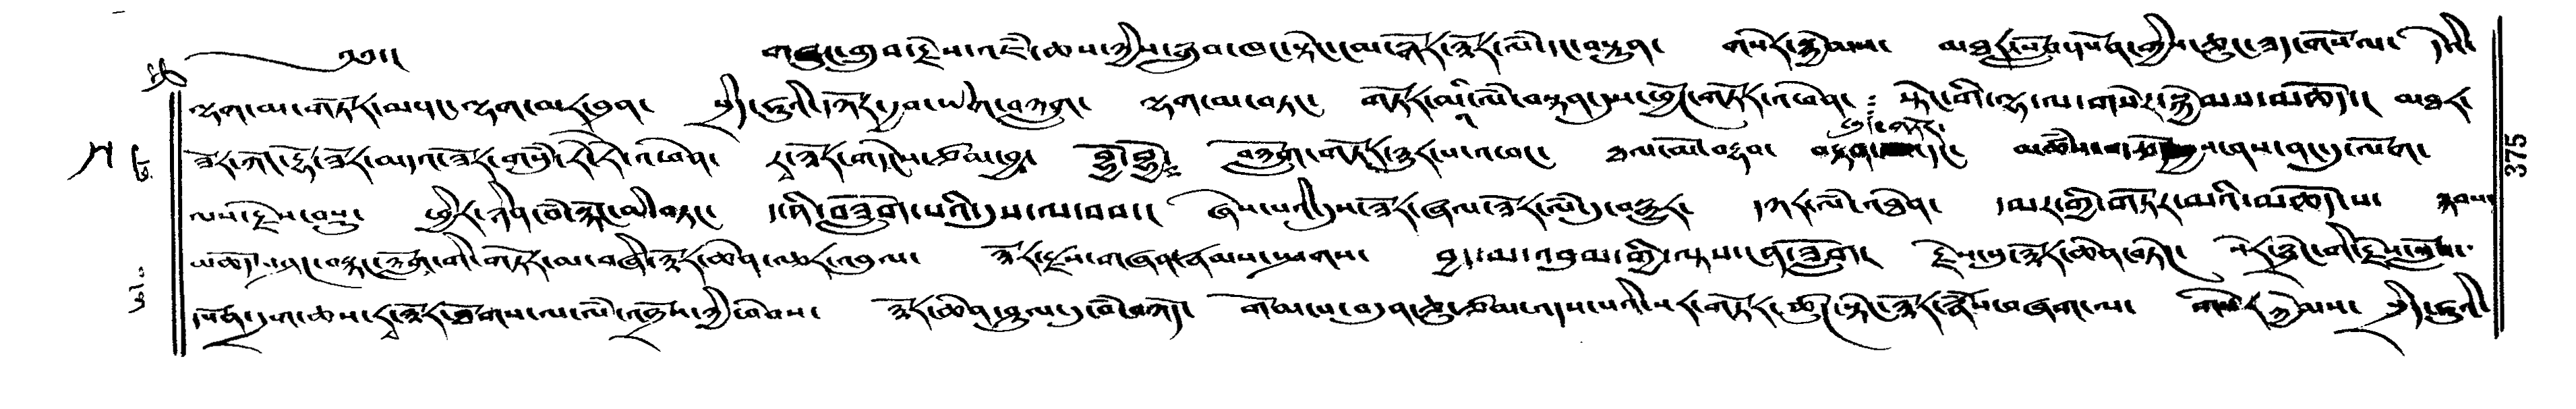གཞུང་གྲུབ་རྗེས་འཇམ་ཆས་ཀྱིས་སྒྲུབ་ཁང་སྟེང་ངམ་སྒོར་ཟོར་ལམ་དང་བསྟུན། གསེར་སྐྱེམས་མཐར་སློབ་དཔོན་གྱིས་ཅུང་ཟད་གསོལ།དེའི་
ལྷག་མ་གཏོར་མ་དང་ལྷག་མར་བྲན། སྲིད་པ་ཧོའི་རྒྱབ་ཡིག་བཀླག ལྷག་མ་གཏང་། གཏོར་མའི་ལམ་སྟོན་དུས་ཕྱོགས་གཏོར་འཕེན། ཕུད་གཏོར། སྟེང་གི་ལྷ་ལ་གསེར་སྐྱེམས་མཆོད༴ མཐར་
ཟོར་ཀོང་རྡོ་ཟོར་མདའ་ཟོར་གསུམ་རེ་རེ་འཕེན། རྭ་ཟོར་གདེངས་ཙམ་བྱ། བྷྱོ་བྷྱོ། བཟློག་གཏོར་ཟུར་པ་འཕང་། ཐལ་མོ་བརྡབ། བསྟན་མ་དང་མཚམས་གཅོད་བྱས་ནས་ནང་དུ་ལོག 
ལས་རྗེས་བསྡུ། ཕྱིར་ཉིན་བམ་སྐོང་མི་བཏང་། ད་ནི་བཟློག་པའི་དུས་ལ་བབ། ཞེས་པའི་དུས་ཟོར་ཞལ་ཟོར་ལམ་དུ་བསྒྱུར། དཀར་ལམ་འཐེན། དམར་གྱི་གཏོར་མའི་མཆོད་པ༴ སྐབས་
མཆོད་བཤགས་སྐོང་ཟློག་གི་གཏོར་མ་བཞི་ཟོར་ཆེན་རྩར་འབུལ། ཟོར་རྫས་གཞན་རྣམས་སྤགས། བྱད་མ་འབུམ་གྱི་ལྟས་ངན་ཟློག རྗེས་སུ་ཟོར་ཆེན་བཏེགས། སེར་སྦྲེང་གི་རྗེས་སློབ་
དཔོན་དྲག་ཆས་རྭ་ཟོར་ཐོགས་ལ་ལམ་འགྲོས་ཀྱིས་ཕེབས། ཟོར་ཆེན་ཤུལ་དུ་བམ་བཀོད། གོམ་པ་བདུན་ཅུ་ཙམ་འདས་པའི་སར་གཏོར་ཚུགས་སྟེང་ཟོར་རྣམས་བཞག་ལ། གསེར་སྐྱེམས། སྲིད་ཧོའི་